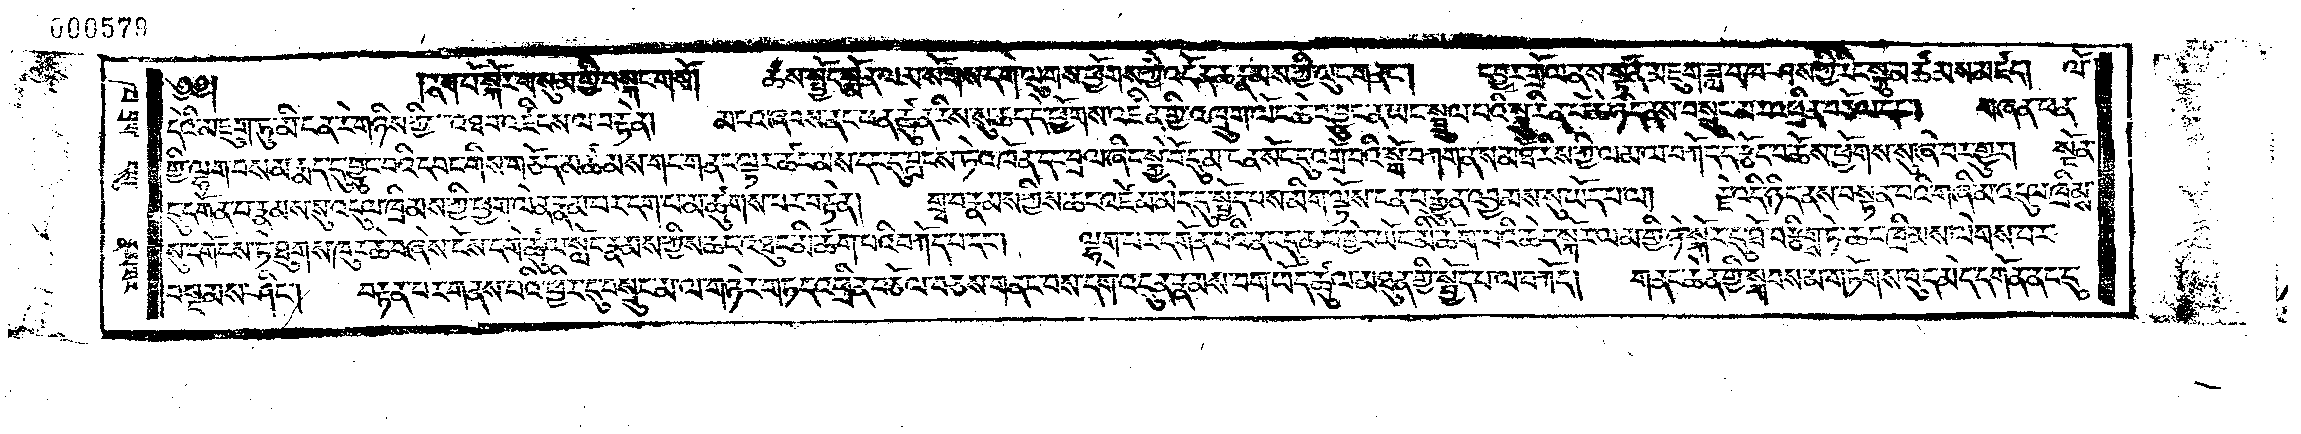༄༅། །ནག་པོ་སྐོར་གསུམ་གྱི་བསྐང་གསོ། ཆོས་སྤྱོད་སྨོན་ལམ་སོགས་དགེ་ལུགས་ཕྱོགས་ཀྱི་འདོན་ཆ་རྣམས་ཀྱི་ལུང་གནང་། དབྱར་གྲོལ་ནས་སྟོན་མཇུག་ཟླ་བ་ཁ་ཤས་ཀྱི་རིང་སྐུ་མཚམས་མཛད། ལོ་
དེའི་མཇུག་ཏུ་མི་ངན་རེ་གཉིས་ཀྱིས་འཐབ་འཛིངས་ལ་བརྟེན། མངའ་ཞབས་ནང་ཕན་ཚུན་རིས་སུ་ཆད་དེ་ཕྱོགས་འཛིན་གྱི་འཁྲུག་ལོང་ཆེ་བ་བྱུང་ན་ཡང་སྤྲུལ་པའི་སྐུ་རིན་པོ་ཆེ་ཉིད་ནས་བསྲུང་མར་འཕྲིན་བཅོལ་དང་། གཞན་ཕན་
གྱི་ལྷག་བསམ་རྨད་དུ་བྱུང་བའི་དབང་གིས་གཅོད་མཚམས་གང་གནང་ལྟར་ཚང་མས་དང་དུ་བླངས་ཏེ་འཁོན་དང་བྲལ་ཞིང་སྐྱེ་བོ་དུ་མ་ངན་སོང་དུ་འགྲོ་བའི་སྒོ་བཀག་ནས་མཐོ་རིས་ཀྱི་ལམ་ལ་བཀོད་དེ་རྩོད་པ་ཆོས་ཕྱོགས་སུ་ཞི་བར་གྱུར། སྔོན་
དུ་དགོན་པ་རྣམས་སུ་འདུལ་ཁྲིམས་ཀྱི་ཕྱག་ལེན་རྣམ་པར་དག་པ་མ་ཚུགས་པར་བརྟེན། གྲྭ་བ་རྣམས་ཀྱིས་ཆང་འཛེམ་མེད་དུ་སྤྱོད་བས་མིག་ལྟོས་ངན་པ་རྒྱུན་འབྱམས་སུ་ཡོད་པ་ལ། རྗེ་འདི་ཉིད་ནས་བསྟན་བའི་གཞི་མ་འདུལ་ཁྲིམས་
སུ་དགོངས་ཏེ་ཐུགས་ཁུར་ཆེ་བཞེས་ངོས་དགེ་ཚུལ་སློང་རྣམས་ཀྱིས་ཆང་འཐུང་མི་ཆོག་པའི་བཀོད་པ་དང་། ལྷག་པར་དགོན་པའི་ནང་དུ་ཆང་ཁྱེར་ཡོང་མི་ཆོག་པའི་ཆེད་སྐོར་ལམ་གྱི་ཉེ་སྐོར་དུ་ཐོ་བརྩིགས་ཏེ་ཆང་ཁྲིམས་ལེགས་པར་
བསྔམས་ཤིང་། བརྟན་པར་གནས་པའི་ཕྱིར་དུ་བསྲུང་མ་ལ་གཉེར་གཏད་འཕྲིན་བཅོལ་བཅས་གནང་བས་དགེ་འདུན་རྣམས་བག་ཡོད་ཚུལ་མཐུན་གྱི་སྤྱོད་པ་ལ་བཀོད། གནང་ཆེན་གྱི་སྐབས་མ་གཏོགས་བུད་མེད་དགོན་ནང་དུ་